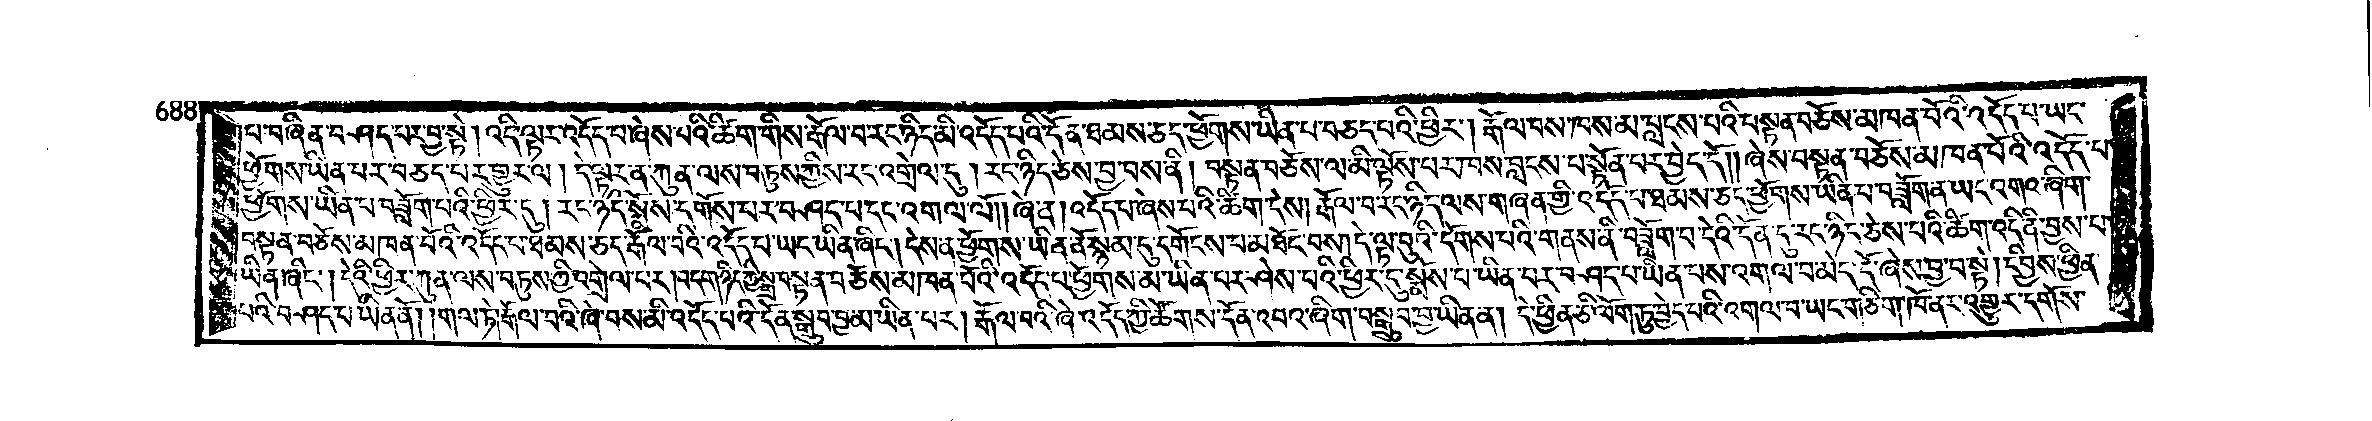པ་བཞིན་བཤད་པར་བྱ་སྟེ། འདི་ལྟར་འདོད་པ་ཞེས་པའི་ཚིག་གིས་རྒོལ་བ་རང་ཉིད་མི་འདོད་པའི་དོན་ཐམས་ཅད་ཕྱོགས་ཡིན་པ་བཅད་པའི་ཕྱིར། རྒོལ་བས་ཁས་མ་བླངས་པའི་བསྟན་བཅོས་མཁན་པོའི་འདོད་པ་ཡང་
ཕྱོགས་ཡིན་པར་བཅད་པར་གྱུར་ལ། དེ་ལྟར་ན་ཀུན་ལས་བཏུས་ཀྱིས་རང་འགྲེལ་དུ། རང་ཉིད་ཅེས་བྱ་བས་ནི། བསྟན་བཅོས་ལ་མི་ལྟོས་པར་ཁས་བླངས་པ་སྟོན་པར་བྱེད་དོ། །ཞེས་བསྟན་བཅོས་མཁན་པོའི་འདོད་པ་
ཕྱོགས་ཡིན་པ་བཟློག་པའི་ཕྱིར་དུ། རང་ཉིད་སྨོས་དགོས་པར་བཤད་པ་དང་འགལ་ལོ། །ཞེ་ན། འདོད་པ་ཞེས་པའི་ཚིག་དེས། རྒོལ་བ་རང་ཉིད་ལས་གཞན་གྱི་འདོད་པ་ཐམས་ཅད་ཕྱོགས་ཡིན་པ་བཟློག་ན་ཡང་འགའ་ཞིག་
བསྟན་བཅོས་མཁན་པོའི་འདོད་པ་ཐམས་ཅད་རྒོལ་བའི་འདོད་པ་ཡང་ཡིན་ཞིང་། དེས་ན་ཕྱོགས་ཡིན་ནོ་སྙམ་དུ་དགོངས་པ་མཐོང་བས། དེ་ལྟ་བུའི་དོགས་པའི་གནས་ནི་བཟློག་པ་དེའི་དོན་དུ་རང་ཉིད་ཅེས་པའི་ཚིག་འདི་ནི་བྱས་པ་
ཡིན་ཞིང་། དེའི་ཕྱིར་ཀུན་ལས་བཏུས་ཀྱི་འགྲེལ་བར། བདག་ཉིད་ཀྱི་སྒྲ་བསྟན་བཅོས་མཁན་པོའི་འདོད་པ་ཕྱོགས་མ་ཡིན་པར་ཤེས་པའི་ཕྱིར་དུ་སྨོས་པ་ཡིན་པར་བཤད་པ་ཡིན་པས་འགལ་བ་མེད་དོ་ཞེས་བྱ་བ་སྟེ། དབྱིས་ཕྱིན་
པའི་བཤད་པ་ཡིན་ནོ། །གལ་ཏེ། རྒོལ་བའི་ཞེ་བས་མི་འདོད་པའི་དོན་སྒྲུབ་བྱ་མ་ཡིན་པར། རྒོལ་བའི་ཞེ་འདོད་ཀྱི་ཚོགས་དོན་འབའ་ཞིག་བསྒྲུབ་བྱ་ཡིན་ན། དེ་ཕྱིན་ཅི་ལོག་ཏུ་བྱེད་པའི་འགལ་བ་ཡང་གཅིག་ཁོ་ནར་འགྱུར་དགོས་